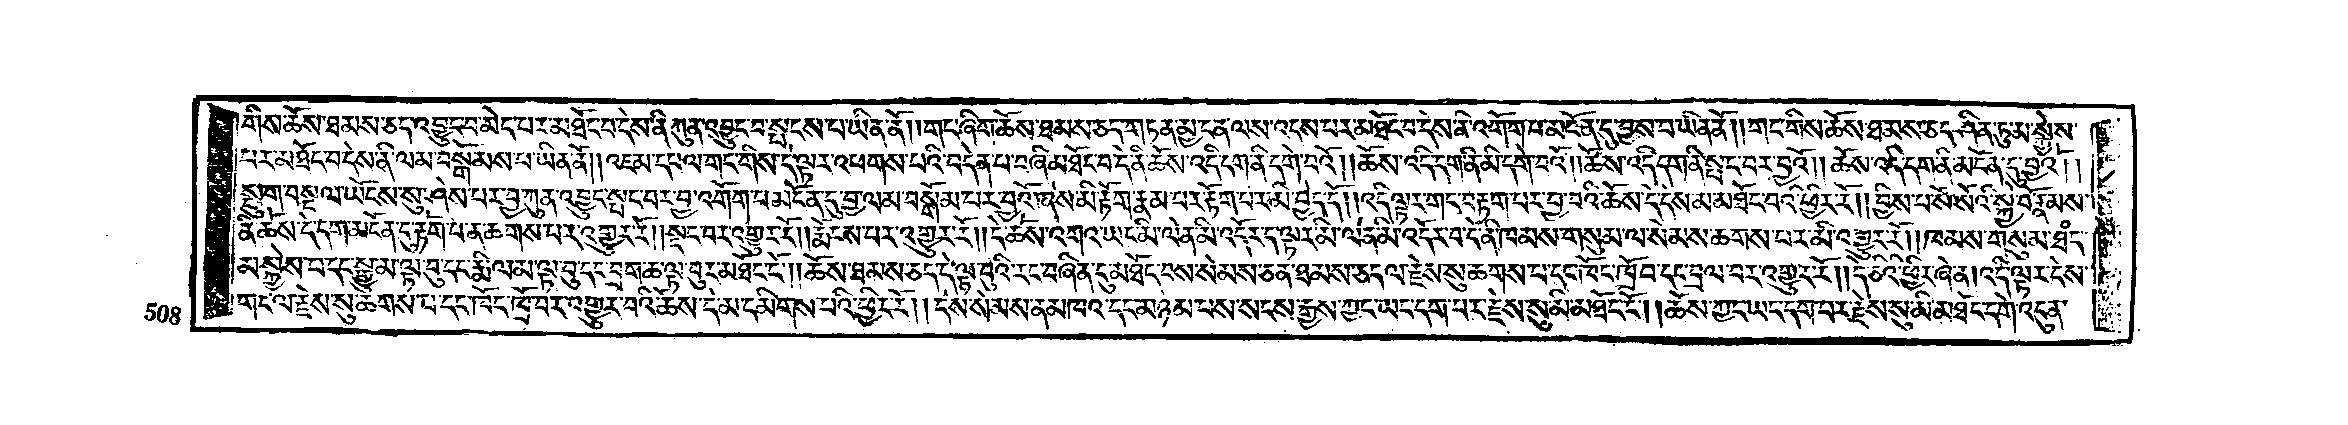གིས་ཆོས་ཐམས་ཅད་འབྱུང་བ་མེད་པར་མཐོང་བ་དེས་ནི་ཀུན་འབྱུང་བ་སྤངས་པ་ཡིན་ནོ། །གང་ཞིག་ཆོས་ཐམས་ཅད་གཏན་མྱ་ངན་ལས་འདས་པར་མཐོང་བ་དེས་ནི་འགོག་པ་མངོན་དུ་བྱས་པ་ཡིན་ནོ། །གང་གིས་ཆོས་ཐམས་ཅད་ཤིན་ཏུ་མ་སྐྱེས་
པར་མཐོང་བ་དེས་ནི་ལམ་བསྒོམས་པ་ཡིན་ནོ། །འཇམ་དཔལ་གང་གིས་དེ་ལྟར་འཕགས་པའི་བདེན་པ་བཞི་མཐོང་བ་དེ་ནི་ཆོས་འདི་དག་ནི་དགེ་བའོ། །ཆོས་འདི་དག་ནི་མི་དགེ་བའོ། །ཆོས་འདི་དང་ནི་སྤང་བར་བྱའོ། །ཆོས་འདི་དག་ནི་མངོན་དུ་བྱའོ། །
སྡུག་བསྔལ་ཡོངས་སུ་ཤེས་པར་བྱ་ཀུན་འབྱུང་སྤང་བར་བྱ་འགོག་པ་མངོན་དུ་བྱ་ལམ་བསྒོམ་པར་བྱའོ་ཞེས་མི་རྟོག་རྣམ་པར་རྟོག་པར་མི་བྱེད་དོ། །འདི་ལྟར་གང་བརྟག་པར་བྱ་བའི་ཆོས་དེ་དེས་མ་མཐོང་བའི་ཕྱིར་རོ། །བྱིས་པ་སོ་སོའི་སྐྱེ་བོ་རྣམས་
ནི་ཆོས་དེ་དག་མངོན་དུ་རྟོག་པ་ན་ཆགས་པར་འགྱུར་རོ། །སྡང་བར་འགྱུར་རོ། །རྨོངས་པར་འགྱུར་རོ། །དེ་ཆོས་འགའ་ཡང་མི་ལེན་མི་འདོར་དེ་ལྟར་མི་ལེན་མི་འདོར་བ་དེ་ནི་ཁམས་གསུམ་ལ་སེམས་ཆགས་པར་མི་འགྱུར་རོ། །ཁམས་གསུམ་ཐཾད་
མ་སྐྱེས་པ་དང་སྒྱུ་མ་ལྟ་བུ་དང་རྨི་ལམ་ལྟ་བུ་དང་བྲག་ཆ་ལྟ་བུར་མཐོང་ངོ། །ཆོས་ཐམས་ཅད་དེ་ལྟ་བུའི་རང་བཞིན་དུ་མཐོང་བས་སེམས་ཅན་ཐམས་ཅད་ལ་རྗེས་སུ་ཆགས་པ་དང་ཁོང་ཁྲོ་བ་དང་བྲལ་བར་འགྱུར་རོ། །དེ་ཅིའི་ཕྱིར་ཞེ་ན། འདི་ལྟར་ངེས་
གང་ལ་རྗེས་སུ་ཆགས་པ་དང་ཁོང་ཁྲོ་བར་འགྱུར་བའི་ཆོས་དེ་མ་དམིགས་པའི་ཕྱིར་རོ། །དེས་སེམས་ནམཁའ་དང་མཉམ་པས་སངས་རྒྱས་ཀྱང་ཡང་དག་པར་རྗེས་སུ་མི་མཐོང་ངོ། །ཆོས་ཀྱང་ཡང་དག་པར་རྗེས་སུ་མི་མཐོང་དགེ་འདུན་